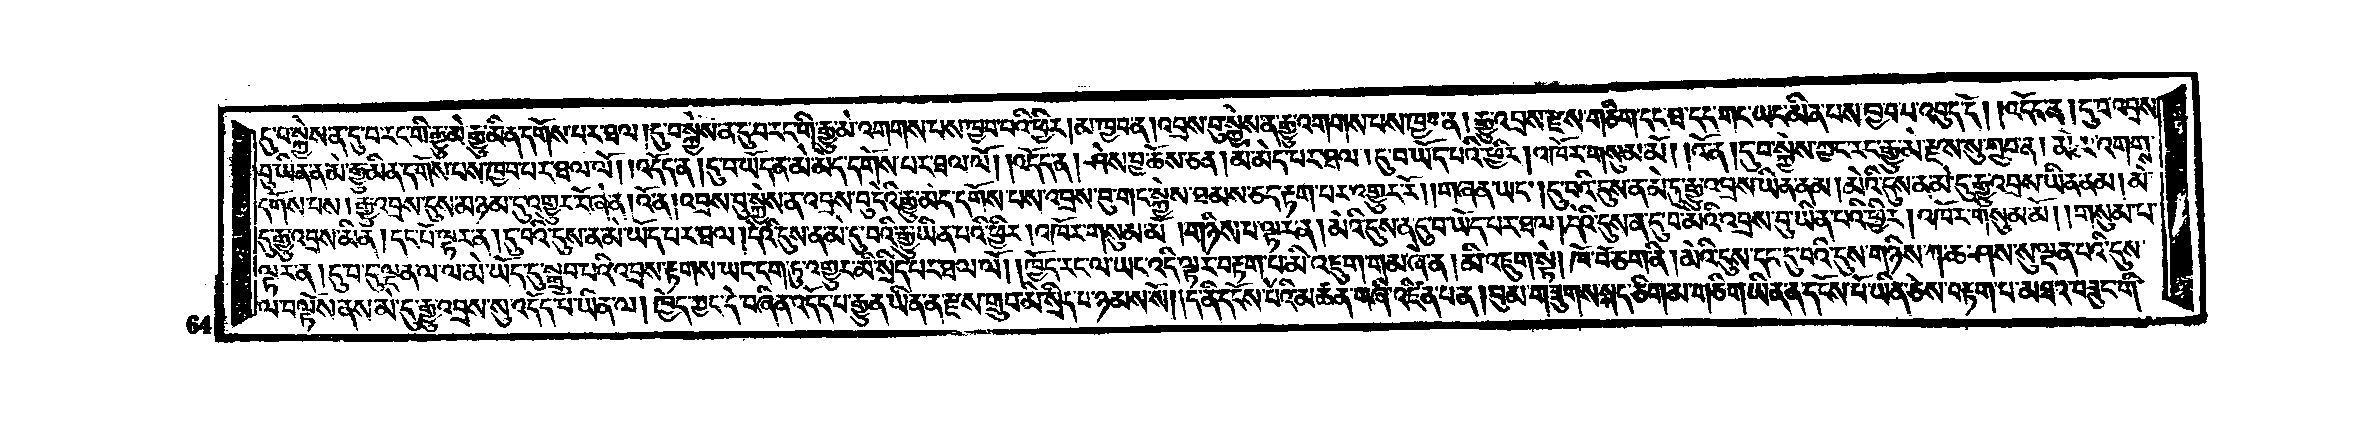དུ་བ་སྐྱེས་ན་དུ་བ་རང་གི་རྒྱུ་མེ་རྒྱུ་མིན་དགོས་པར་ཐལ། དུ་བ་སྐྱེས་ན་དུ་བ་རང་གི་རྒྱུ་མེ་འགགས་པས་ཁྱབ་པའི་ཕྱིར། མ་ཁྱབ་ན། འབྲས་བུ་སྐྱེས་ན་རྒྱུ་འགགས་པས་ཁྱབ་ན། རྒྱུ་འབྲས་རྫས་གཅིག་དང་ཐ་དད་གང་ཡང་མིན་པས་ཁྱབ་པ་འབུད་དོ། །འདོད་ན། དུ་བ་འབྲས་
བུ་ཡིན་ན་མེ་རྒྱུ་མིན་དགོས་པས་ཁྱབ་པར་ཐལ་ལོ། །འདོད་ན། དུ་བ་ཡོད་ན་མེ་མེད་དགོས་པར་ཐལ་ལོ། །འདོད་ན། ཤེས་བྱ་ཆོས་ཅན། མེ་མེད་པར་ཐལ། དུ་བ་ཡོད་པའི་ཕྱིར། འཁོར་གསུམ་མོ། །འོ་ན། དུ་བ་སྐྱེས་ཀྱང་རང་རྒྱུ་མེ་རྫས་སུ་གྲུབ་ན། མེ་མ་འགགས་
དགོས་པས། རྒྱུ་འབྲས་དུས་མཉམ་དུ་འགྱུར་རོ་ཞེ་ན། འོ་ན། འབྲས་བུ་སྐྱེས་ན་འབྲས་བུ་དེའི་རྒྱུ་མེད་དགོས་པས་འབྲས་བུ་གང་སྐྱེས་ཐམས་ཅད་རྟག་པར་འགྱུར་རོ། །གཞན་ཡང་། དུ་བའི་དུས་ན་མེ་དུ་རྒྱ་འབྲས་ཡིན་ན། མེའི་དུས་ན་མེ་དུ་རྒྱུ་འབྲས་ཡིན་ནམ། མེ་
དུ་རྒྱུ་འབྲས་མིན། དང་པོ་ལྟར་ན། དུ་བའི་དུས་ན་མེ་ཡོད་པར་ཐལ། དེའི་དུས་ན་མེ་དུ་བའི་རྒྱུ་ཡིན་པའི་ཕྱིར། འཁོར་གསུམ་མོ། གཉིས་པ་ལྟར་ན། མེའི་དུས་ན་དུ་བ་ཡོད་པར་ཐལ། དེའི་དུས་ན་དུ་བ་མེའི་འབྲས་བུ་ཡིན་པའི་ཕྱིར། འཁོར་གསུམ་མོ། །གསུམ་པ་
ལྟར་ན། དུ་བ་དུ་ལྡན་ལ་ལ་མེ་ཡོད་དུ་སྒྲུབ་པའི་འབྲས་རྟགས་ཡང་དག་ཏུ་འགྱུར་མི་སྲིད་པར་ཐལ་ལོ། །ཁྱོད་རང་ལ་ཡང་འདི་ལྟར་བརྟག་པ་མི་འཇུག་གམ་ཞེ་ན། མི་འཇུག་སྟེ། ཁོ་བོ་ཅག་ནི། མེའི་དུས་དང་དུ་བའི་དུས་གཉིས་ཀ་ཆ་ཤས་སུ་ལྡན་པའི་དུས་
ལ་བལྟོས་ནས་མེ་དུ་རྒྱུ་འབྲས་སུ་འདོད་པ་ཡིན་ལ། ཁྱེད་ཀྱང་དེ་བཞིན་འདོད་པ་རྒྱུན་ཡིན་ན་རྫས་གྲུབ་མི་སྲིད་པ་ཉམས་སོ། །ད་ནི་དངོས་པོའི་མཚན་གཞི་འཛིན་པ་ན། བུམ་གཟུགས་སྐད་ཅིག་མ་གཅིག་ཡིན་ན་དངོས་པོ་ཡིན་ཅེས་བརྟག་པ་མཐའ་བཟུང་གི་